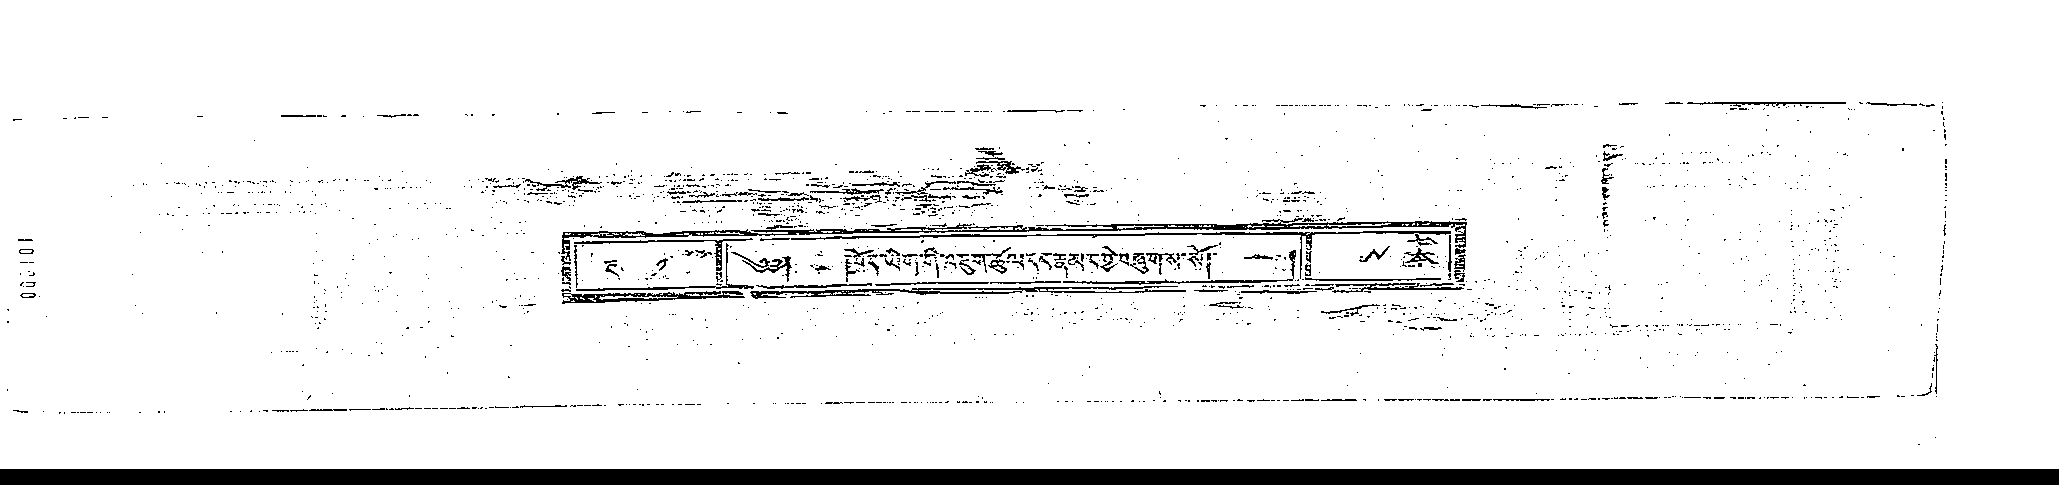ཏ ༧?
ཇ ༡་༄༅། །བོད་ཡིག་གེ་འཇུག་ཚུལ་དང་རྣམ་དབྱེ་བཞུགས་སོ། ། ༧